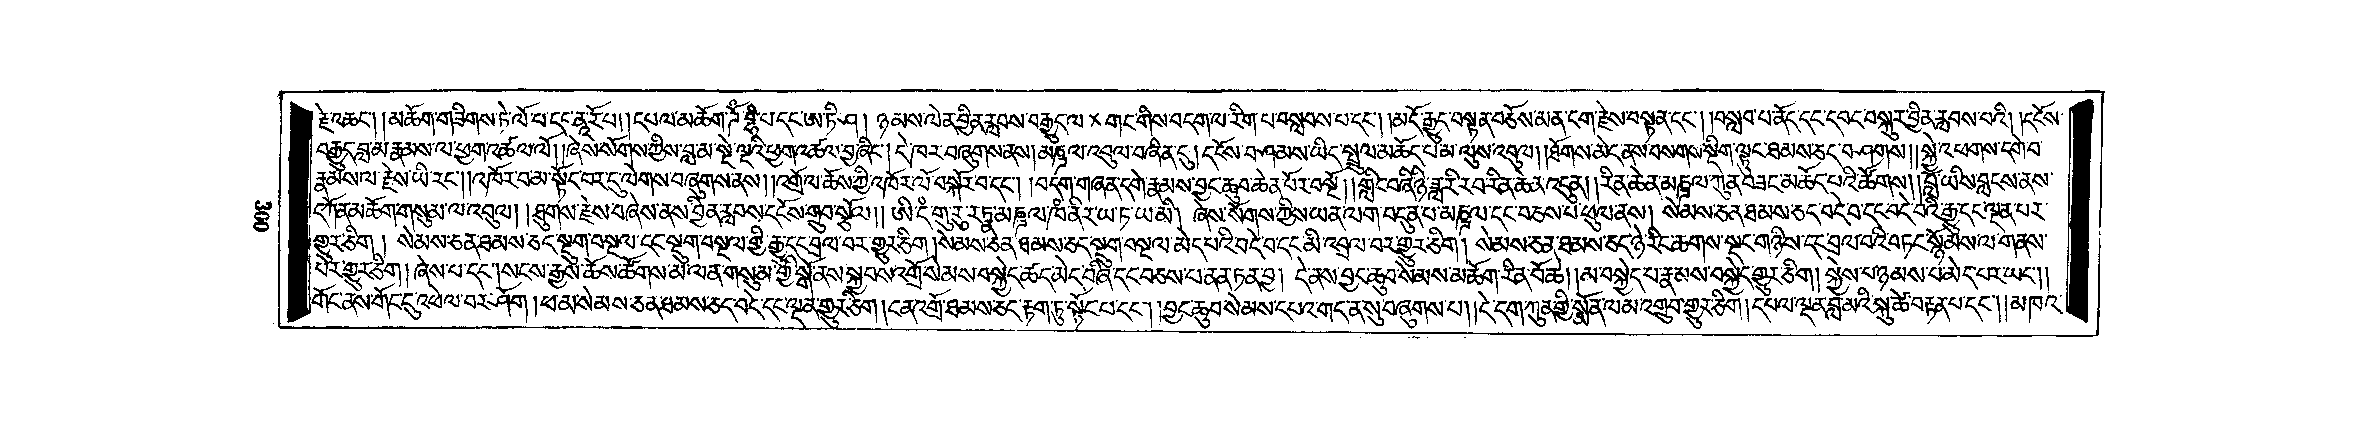རྗེ་འཆང་། །མཆོག་གཟིགས་ཏེ་ལོ་པ་དང་ནཱ་རོ་པ། །དཔལ་མཆོག་ཌོཾ་བྷཾ་པ་དང་ཨ་ཏི་ཤ། ཉམས་ལེན་བྱིན་རླབས་བརྒྱུད་ལ་྾་གང་གིས་བདག་ལ་རིག་པ་བསླབས་པ་དང་། །མདོ་རྒྱུད་བསྟན་བཅོས་མན་ངག་རྗེས་བསྟན་དང་། །བསླབ་པ་ནོད་དང་དབང་བསྐུར་བྱིན་རླབས་པའི། །དངོས་
བརྒྱུད་བླ་མ་རྣམས་ལ་ཕྱག་འཚལ་ལོ། །ཞེས་སོགས་ཀྱིས་བླ་མ་སྡེ་ལྔའི་ཕྱག་འཚལ་བྱ་ཞིང་། དེ་ཁར་བཞུགས་ནས། མཎྜལ་འབུལ་བཞིན་དུ། དངོས་བཤམས་ཡིད་སྤྲུལ་མཆོད་པ་མ་ལུས་འབུལ། །ཐོགས་མེད་ནས་བསགས་སྡིག་ལྟུང་ཐམས་ཅད་བཤགས། །སྐྱེ་འཕགས་དགེ་བ་
རྣམས་ལ་རྗེས་ཡི་རང་། །འཁོར་བ་མ་སྟོང་བར་དུ་ལེགས་བཞུགས་ནས། །འགྲོ་ལ་ཆོས་ཀྱི་འཁོར་ལོ་བསྐོར་བ་དང་། །བདག་གཞན་དགེ་རྣམས་བྱང་ཆུབ་ཆེན་པོར་བསྔོ། །གླིང་བཞི་ཉི་ཟླ་རི་རབ་རིན་ཆེན་འདུན། །རིན་ཆེན་མཎྜལ་ཀུན་བཟང་མཆོད་པའི་ཚོགས། །བློ་ཡིས་བླངས་ནས་
དཀོན་མཆོག་གསུམ་ལ་འབུལ། །ཐུགས་རྗེས་བཞེས་ནས་བྱིན་རླབས་དངོས་གྲུབ་སྩོལ། །ཨི་དཾ་གུ་རུ་རཏྣ་མཎྜལ་ཁཾ་ནིར་ཡ་ཏ་ཡ་མི། ཞེས་སོགས་ཀྱིས་ཡན་ལག་བདུན་པ་མཎྜལ་དང་བཅས་པ་ཕུལ་ནས། སེམས་ཅན་ཐམས་ཅད་བདེ་བ་དང་བདེ་བའི་རྒྱུ་དང་ལྡན་པར་
གྱུར་ཅིག །སེམས་ཅན་ཐམས་ཅད་སྡུག་བསྔལ་དང་སྡུག་བསྔལ་གྱི་རྒྱུ་དང་བྲལ་བར་གྱུར་ཅིག །སེམས་ཅན་ཐམས་ཅད་སྡུག་བསྔལ་མེད་པའི་བདེ་བ་དང་མི་འབྲལ་བར་གྱུར་ཅིག །སེམས་ཅན་ཐམས་ཅད་ཉེ་རིང་ཆགས་སྡང་གཉིས་དང་བྲལ་བའི་བཏང་སྙོམས་ལ་གནས་
པར་གྱུར་ཅིག །ཞེས་པ་དང་། སངས་རྒྱས་ཆོས་ཚོགས་མ་ལན་གསུམ་གྱི་སྒོ་ནས་སྐྱབས་འགྲོ་སེམས་བསྐྱེད་ཚད་མེད་བཞི་དང་བཅས་པ་ནན་ཏན་བྱ། དེ་ནས་བྱང་ཆུབ་སེམས་མཆོག་རིན་པོ་ཆེ། །མ་བསྐྱེད་པ་རྣམས་བསྐྱེད་གྱུར་ཅིག །སྐྱེས་པ་ཉམས་པ་མེད་པར་ཡང་། །
གོང་ནས་གོང་དུ་འཕེལ་བར་ཤོག །ཕ་མ་སེམས་ཅན་ཐམས་ཅད་བདེ་དང་ལྡན་གྱུར་ཅིག །ངན་འགྲོ་ཐམས་ཅད་རྟག་ཏུ་སྟོང་བ་དང་། །བྱང་ཆུབ་སེམས་དཔའ་གད་ན་སུ་བཞུགས་པ། །དེ་དག་ཀུན་གྱི་སྨོན་ལམ་འགྲུབ་གྱུར་ཅིག །དཔལ་ལྡན་བླ་མའི་སྐུ་ཚེ་བརྟན་པ་དང་། །མཁའ་